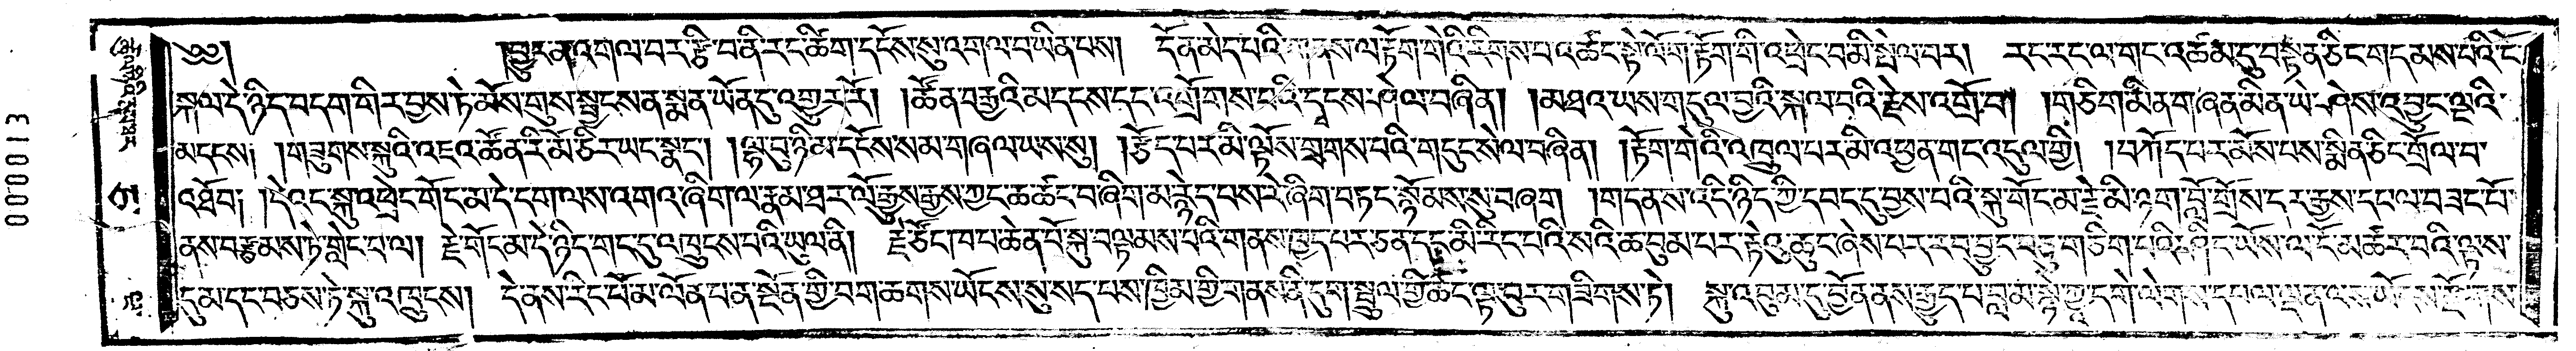༄༅། །བྱུང་ན་འགལ་བར་རྩི་བ་ནི་རང་ཚིག་དངོས་སུ་འགལ་བ་ཡིན་པས། དོན་མེད་བའི་གནས་ལ་རྟོག་གེའི་རིགས་པ་འཚང་སྟེ་ལོག་རྟོག་གི་འཕྲེང་བ་མི་སྤེལ་བར། རང་རང་ལ་གང་འཚམ་དུ་བསྟན་ཅིང་གདམས་པའི་ངོ་
སྐལ་དེ་ཉིད་བདག་གིར་བྱས་ཏེ་མོས་གུས་སྦྱངས་ན་སྨན་ཡོན་དུ་འགྱུར་རོ། །ཚོན་བརྒྱའི་མདངས་དང་འགྲོགས་པའི་དྭངས་ཤེལ་བཞིན། །མཐའ་ཡས་གདུལ་བྱའི་སྐལ་བའི་རྗེས་འགྲོ་བ། །གཅིག་མིན་གཞན་མིན་ཡེ་ཤེས་འབྱུང་ལྔའི་
མདངས། །གཟུགས་སྐུའི་འཇའ་ཚོན་རི་མོ་ཅིར་ཡང་སྣང་། །ལྷ་བུ་ཉི་མ་དངོས་སམ་གཞལ་ཡས་སུ། །རྩོད་པར་མི་ལྟོས་གྲགས་པའི་གདུང་སེལ་བཞིན། །རྟོག་གེའི་འཕྲུལ་པར་མི་འཕྱན་གང་འདུལ་གྱི། །བཀོད་པར་མོས་པས་སྨིན་ཅིང་གྲོལ་བ་
འཐོབ༑ །དེའང་སྐུ་འཕྲེང་གོང་མ་དེ་དག་ལས་འགའ་ཞིག་ལ་རྣམ་ཐར་ལོ་རྒྱུས་རྒྱས་ཀྱང་ཆ་ཚང་བ་ཞིག་མ་རྙེད་པས་རེ་ཞིག་བཏང་སྙོམས་སུ་བཞག །གདན་ས་འདི་ཉིད་ཀྱི་དབང་དུ་བྱས་པའི་སྐུ་གོང་མ་རྗེ་མི་ཉག་བློ་གྲོས་དར་རྒྱས་དཔལ་བཟང་པོ་
ནས་བརྩམས་ཏེ་གླེང་པ་ལ། རྗེ་གོང་མ་དེ་ཉིད་གང་དུ་འཁྲུངས་པའི་ཡུལ་ནི། རྗེ་ཙོང་ཁ་པ་ཆེན་པོ་སྐུ་བལྟམས་པའི་གནས་ཁྱད་པར་ཅན་དང་མི་རིང་པའི་སའི་ཆ་བུམ་པར་རྟེའུ་ཆུང་ཞེས་པར་རབ་བྱུང་བཅུ་གཅིག་པའི་ཤིང་ཡོས་ལ་ངོ་མཚར་བའི་ལྟས་
དུ་མ་དང་བཅས་ཏེ་སྐུ་འཁྲུངས། དེ་ནས་རིང་པོ་མ་ལོན་བན་སྔོན་གྱི་བག་ཆགས་ཡོངས་སུ་སད་པས་ཁྱིམ་གྱི་གནས་ནི་དུག་སྦྲུལ་གྱི་ཚང་ལྟ་བུར་གཟིགས་ཏེ། སྐུ་འབུམ་དུ་བྱོན་ནས་རྒྱུད་བ་བླ་མ་སྙེ་ཀྱཱ་དགེ་ལེགས་དཔལ་ལྡན་ལས་ཡོངས་རྫོགས་